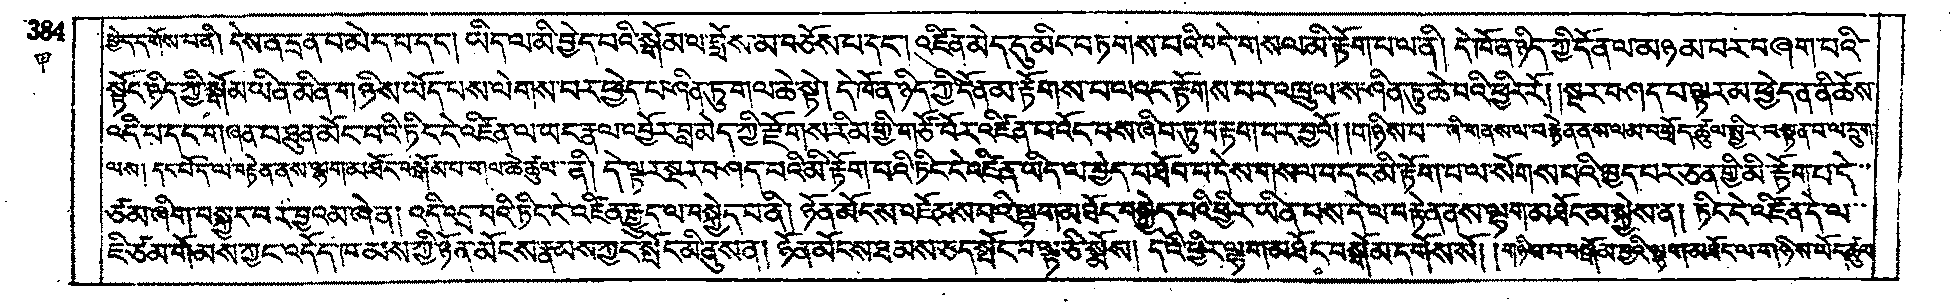ཕྱེད་དགོས་པ་ནི། དེས་ན་དྲན་པ་མེད་པ་དང་། ཡིད་ལ་མི་བྱེད་པའི་སྒོམ་ལ་བློས་མ་བཅོས་པ་དང་། འཛིན་མེད་དུ་མིང་བཏགས་པའི་བདེ་གསལ་མི་རྟོག་པ་ལ་ནི། དེ་ཁོ་ན་ཉིད་ཀྱི་དོན་ལ་མཉམ་པར་བཞག་པའི་
སྟོང་ཉིད་ཀྱི་སྒོམ་ཡིན་མིན་གཉིས་ཡོད་པས་ལེགས་པར་ཕྱེད་པ་ཤིན་ཏུ་གལ་ཆེ་སྟེ། དེ་ཁོ་ན་ཉིད་ཀྱི་དོན་མ་རྟོགས་པ་ལའང་རྟོགས་པར་འཁྲུལ་ས་ཤིན་ཏུ་ཆེ་བའི་ཕྱིར་རོ། །སྔར་བཤད་པ་ལྟར་མ་ཕྱེད་ན་ནི་ཆོས་
འདི་པ་དང་གཞན་པ་ཐུན་མོང་བའི་ཏིང་ངེ་འཛིན་ལ་ཡང་རྣལ་འབྱོར་བླ་མེད་ཀྱི་རྫོགས་རིམ་གྱི་གཙོ་བོར་འཛིན་པ་འོང་བས་ཞིབ་ཏུ་བརྟག་པར་བྱའོ། །གཉིས་པཞི་གནས་ལ་བརྟེན་ནས་ལམ་འགྲོད་ཚུལ་སྤྱིར་བསྟན་པ་ལ་དྲུག་
ལས། དང་པོ་དེ་ལ་བརྟེན་ནས་ལྷག་མཐོང་བསྒོམ་པ་གལ་ཆེ་ཚུལྣི། དེ་ལྟར་སྔར་བཤད་པའི་མི་རྟོག་པའི་ཏིང་ངེ་འཛིན་ཡིད་ལ་བྱེད་པ་ཐོབ་པ་དེས་གསལ་བ་དང་མི་རྟོག་པ་ལ་སོགས་པའི་ཁྱད་པར་ཅན་གྱི་མི་རྟོག་པ་དེ་
ཙམ་ཞིག་བསྐྱང་བར་བྱའམ་ཞེ་ན། འདི་འདྲ་བའི་ཏིང་ངེ་འཛིན་རྒྱུད་ལ་བསྐྱེད་པ་ནི། ཉོན་མོངས་འཇོམས་པའི་ལྷག་མཐོང་བསྐྱེད་པའི་ཕྱིར་ཡིན་པས་དེ་ལ་བརྟེན་ནས་ལྷག་མཐོང་མ་སྐྱེས་ནས། ཏིང་ངེ་འཛིན་དེ་ལ་
ཇི་ཙམ་གོམས་ཡང་འདོད་ཁམས་ཀྱི་ཉོན་མོངས་རྣམས་ཀྱང་སྤོང་མི་ནུས་ན། ཉོན་མོངས་ཐམས་ཅད་སྤོང་བ་ལྟ་ཅི་སྨོས། །དེའི་ཕྱིར་ལྷག་མཐོང་བསྒོམ་དགོས་སོ། །གཉིས་པ་བསྒོམ་བྱའི་ལྷག་མཐོང་ལ་གཉིས་ཡོད་ཚུལ་